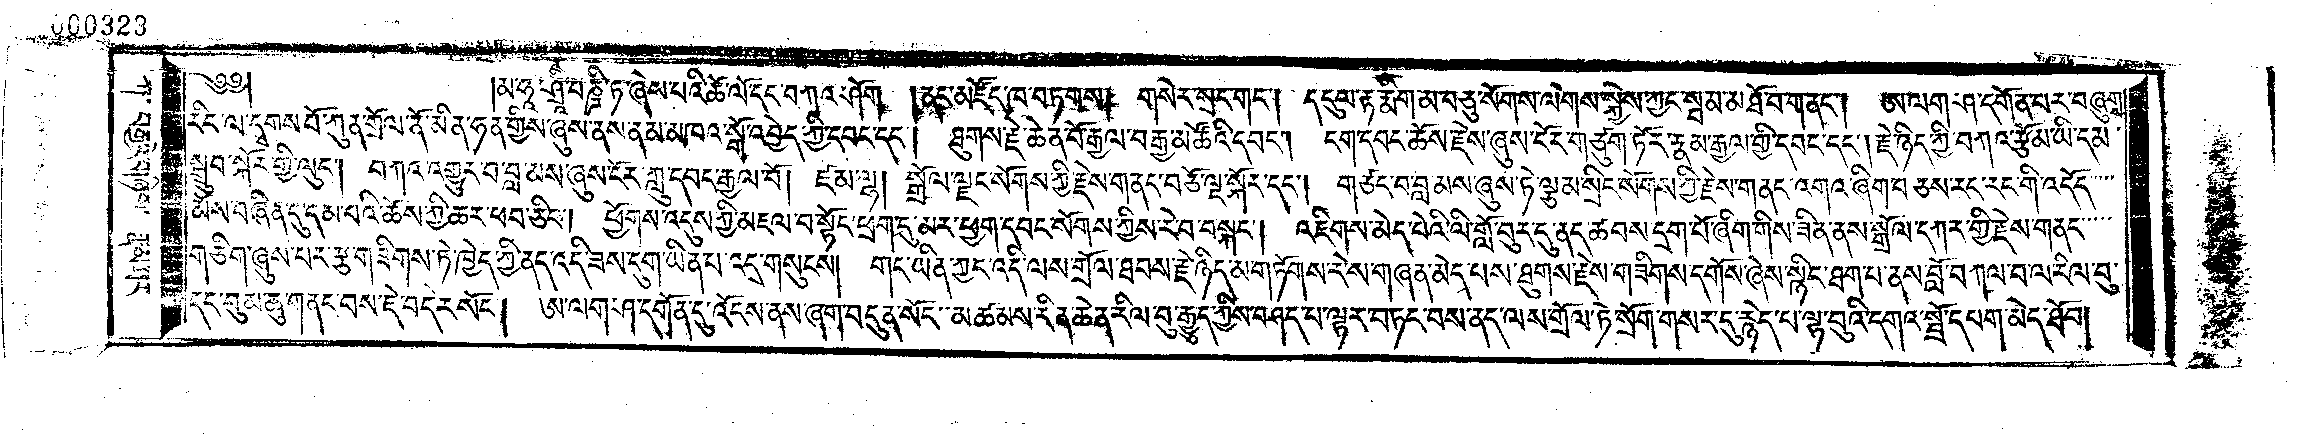༄༅། །མ་ཧཱ་ཤྲཱི་པཎྜི་ཏ་ཞེས་པའི་ཆོ་ལོ་དང་བཀའ་ཤོག །ནང་མཛོད་ཁ་བཏགས། གསེར་སྲང་གང་། དངུལ་རྟ་རྨིག་མ་བཅུ་སོགས་ལེགས་སྐྱེས་ཀྱང་སྤམ་མཐོ་བ་གནང་། ཨ་ལག་ཤ་དགོན་པར་བཞུགས་
རིང་ལ་དྭགས་པོ་ཀུན་གྲོལ་ནོ་མིན་ཧན་གྱིས་ཞུས་ནས་ནམ་མཁའ་སྒོ་འབྱེད་ཀྱི་དབང་དང་། ཐུགས་རྗེ་ཆེན་པོ་རྒྱལ་བརྒྱ་མཚོའི་དབང་། ངག་དབང་ཆོས་རྗེས་ཞུས་ངོར་གཙུག་ཏོར་རྣམ་རྒྱལ་གྱི་དབང་དང་། རྗེ་ཉིད་ཀྱི་བཀའ་རྩོམ་ཡི་དམ་
སྒྲུབ་སྐོར་གྱི་ལུང་། བཀའ་འགྱུར་བ་བླ་མས་ཞུས་ངོར་ཀླུ་དབང་རྒྱལ་པོ། ཛམ་ལྷ། སྒྲོལ་ལྗང་སོགས་ཀྱི་རྗེས་གནང་བཅོ་ལྔ་སྐོར་དང་། གཙང་བ་བླ་མས་ཞུས་ཏེ་ལྕམ་སྲིང་སོགས་ཀྱི་རྗེས་གནང་འགའ་ཞིག་བཅས་རང་རང་གི་འདོད་
མོས་བཞིན་དུ་དམ་པའི་ཆོས་ཀྱི་ཆར་ཕབ་ཅིང་། ཕྱོགས་འདུས་ཀྱི་མཇལ་བ་སྟོང་ཕྲག་དུ་མར་ཕྱག་དབང་སོགས་ཀྱིས་རེ་བ་བསྐང་། འཇིགས་མེད་པེའི་ལི་གློ་བུར་དུ་ནང་ཚ་བས་དྲག་པོ་ཞིག་གིས་ཟིན་ནས་སྒྲོལ་དཀར་གྱི་རྗེས་གནང་
གཅིག་ཞུས་པར་རྩ་གཟིགས་ཏེ་ཁྱེད་ཀྱི་ནད་འདི་ཟས་དུག་ཡིན་པ་འདྲ་གསུངས། གང་ཡིན་ཀྱང་འདི་ལས་གྲོལ་ཐབས་རྗེ་ཉིད་མ་གཏོགས་རེ་ས་གཞན་མེད་པས་ཐུགས་རྗེས་གཟིགས་དགོས་ཞེས་སྙིང་ཐག་པ་ནས་བློ་བཀལ་བ་ལ་རིལ་བུ་
དང་བུམ་ཆུ་གནང་བས་ཇེ་བདེར་སོང་། ཨ་ལག་ཤ་དགོན་དུ་འོངས་ནས་ཞག་བདུན་སོང་མཚམས་རིན་ཆེན་རིལ་བུ་རྒྱུད་ཀྱིས་བཤད་པ་ལྟར་བཏང་བས་ནད་ལས་གྲོལ་ཏེ་སྲོག་གསར་དུ་རྙེད་པ་ལྟ་བུའི་དགའ་སྤྲོ་དཔག་མེད་ཐོབ།